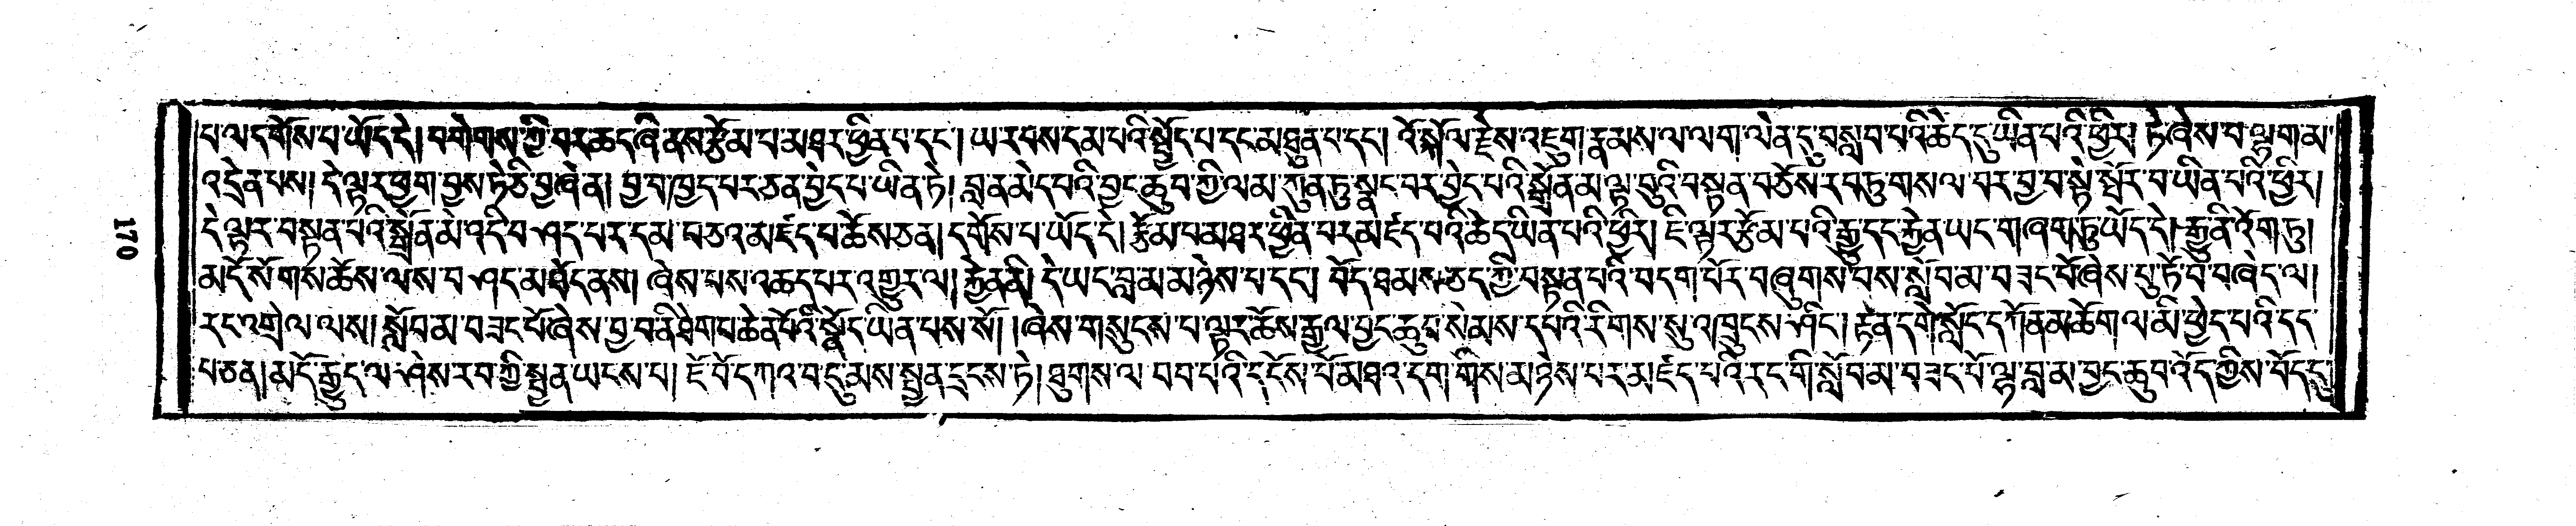པ་ལ་དགོས་པ་ཡོད་དེ། བགེགས་ཀྱི་བར་ཆད་ཞི་ནས་རྩོམ་པ་མཐར་ཕྱིན་པ་དང་། ཡ་རབས་དམ་པའི་སྤྱོད་པ་དང་མཐུན་པ་དང་། འོ་སྐོལ་རྗེས་འཇུག་རྣམས་ལ་ལག་ལེན་དུ་བསླབ་པའི་ཆེད་དུ་ཡིན་པའི་ཕྱིར། ཏེ་ཞེས་པ་ལྷག་མ་
འདྲེན་པས། དེ་ལྟར་ཕྱག་བྱས་ཏེ་ཅི་བྱ་ཞེ་ན། བྱ་བ་ཁྱད་པར་ཅན་བྱེད་པ་ཡིན་ཏེ། བླ་ན་མེད་པའི་བྱང་ཆུབ་ཀྱི་ལམ་ཀུན་ཏུ་སྣང་བར་བྱེད་པའི་སྒྲོན་མ་ལྟ་བུའི་བསྟན་བཅོས་རབ་ཏུ་གསལ་བར་བྱ་བ་སྟེ་སྤོར་བ་ཡིན་པའི་ཕྱིར།
དེ་ལྟར་བསྟན་པའི་སྒྲོན་མེ་འདི་བཤད་པར་དམ་བཅའ་མཛད་པ་ཆོས་ཅན། དགོས་པ་ཡོད་དེ། རྩོམ་པ་མཐར་ཕྱིན་པར་མཛད་པའི་ཆེད་ཡིན་པའི་ཕྱིར། ཇི་ལྟར་རྩོམ་པའི་རྒྱུ་དང་རྐྱེན་ཡང་གཞག་ཏུ་ཡོད་དེ། རྒྱུ་ནི་འོག་ཏུ་
མདོ་སོགས་ཆོས་ལས་བཤད་མཐོང་ནས། ཞེས་པས་འཆད་པར་འགྱུར་ལ། རྐྱེན་ནི། དེ་ཡང་བླ་མ་མཉེས་པ་དང་། བོད་ཐམས་ཅད་ཀྱི་བསྟན་པའི་བདག་པོར་བཞུགས་པས་སློབ་མ་བཟང་པོ་ཞེས་པུ་ཏོ་པ་བཞེད་ལ།
རང་འགྲེལ་ལས། སློབ་མ་བཟང་པོ་ཞེས་བྱ་བ་ནི་ཐེག་པ་ཆེན་པོའི་སྣོད་ཡིན་པས་སོ། །ཞེས་གསུངས་པ་ལྟར་ཆོས་རྒྱལ་བྱང་ཆུབ་སེམས་དཔའི་རིགས་སུ་འཁྲུངས་ཤིང་། རྟེན་དགེ་སློང་དཀོན་མཆོག་ལ་མི་ཕྱེད་པའི་དད་
པ་ཅན། མདོ་རྒྱུད་ལ་ཤེས་རབ་ཀྱི་སྤྱན་ཡངས་པ། ཇོ་བོ་དཀའ་བ་དུ་མས་སྤྱན་དྲངས་ཏེ། ཐུགས་ལ་བབ་པའི་དངོས་པོ་མཐའ་དག་གིས་མཉེས་པར་མཛད་པའི་རང་གི་སློབ་མ་བཟང་པོ་ལྷ་བླ་མ་བྱང་ཆུབ་འོད་ཀྱིས་བོད་དུ་